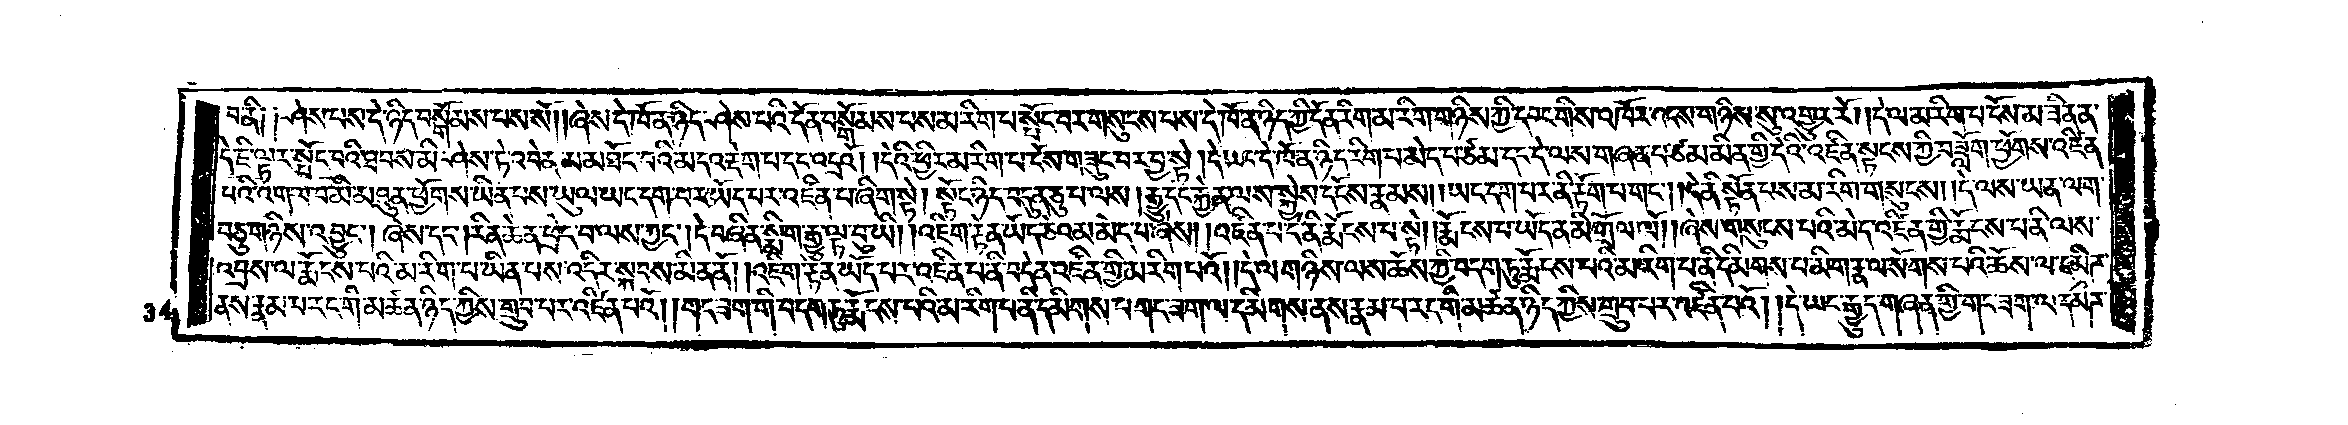བ་ནི། ཤེས་པས་དེ་ཉིད་བསྒོམས་པས་སོ། །ཞེས་དེ་ཁོ་ན་ཉིད་ཤེས་པའི་དོན་བསྒོམས་པས་མ་རིག་པ་སྤོང་བར་གསུངས་པས་དེ་ཁོ་ན་ཉིད་ཀྱི་དོན་རིག་མ་རིག་གཉིས་ཀྱི་དབང་གིས་འཁོར་འདས་གཉིས་སུ་འགྱུར་རོ། །དེ་ལ་མ་རིག་པ་ངོས་མ་ཟིན་ན་
དེ་ཇི་ལྟར་སྤོང་བའི་ཐབས་མི་ཤེས་ཏེ་འབྲེན་མ་མཐོང་བའི་མདའ་རྡེག་པ་དང་འདྲའོ། །དེའི་ཕྱིར་མ་རིག་པ་ངོས་གཟུང་བར་བྱ་སྟེ། དེ་ཡང་དེ་ཁོ་ན་ཉིད་རིག་པ་མེད་པ་ཙམ་དང་དེ་ལས་གཞན་པ་ཙམ་མིན་གྱི་དེའི་འཛིན་སྟངས་ཀྱི་བཟློག་ཕྱོགས་འཛིན་
པའི་འགལ་བ་མི་མཐུན་ཕྱོགས་ཡིན་པས་ཡུལ་ཡང་དག་པར་ཡོད་པར་འཛིན་པ་ཞིག་སྟེ། སྟོང་ཉིད་བདུན་ཅུ་པ་ལས། རྒྱུ་དང་རྐྱེན་ལས་སྐྱེས་དངོས་རྣམས། །ཡང་དག་པར་ནི་རྟོག་པ་གང་། །དེ་རི་སྟོན་པས་མ་རིག་གསུངས། །དེ་ལས་ཡན་ལག་
བཅུ་གཉིས་འབྱུང་། ཞེས་དང་། རིན་ཆེན་ཕྲེང་བ་ལས་ཀྱང་། དེ་བཞིན་སྨིག་རྒྱུ་ལྟ་བུ་ཡི། །འཇིག་རྟེན་ཡོད་ཅེའམ་མེད་པ་ཞེས། །འཛིན་པ་དེ་ནི་རྨོངས་པ་སྟེ། །རྨོངས་པ་ཡོད་ན་མི་གྲོལ་ལོ། །ཞེས་གསུངས་པའི་མེད་འཛིན་གྱི་རྨོངས་པ་ནི་ལས་
འབྲས་ལ་རྨོངས་པའི་མ་རིག་པ་ཡིན་པས་འདིར་སྐབས་མིན་ནོ། །འཇིག་རྟེན་ཡོད་པར་འཛིན་པ་ནི་བདེན་འཛིན་གྱི་མ་རིག་པའོ། །དེ་ལ་གཉིས་ལས་ཆོས་ཀྱི་བདག་ཏུ་རྨོངས་པའི་མ་རིག་པ་ནི་དམིགས་པ་མིག་རྣ་ལ་སོགས་པའི་ཆོས་ལ་དམིཌ་
ནས་རྣམ་པ་རང་གི་མཚན་ཉིད་ཀྱིས་གྲུབ་པར་འཛིན་པའོ། །གང་ཟག་གི་བདག་ཏུ་རྨོངས་པའི་མ་རིག་པ་ནི་དམིགས་པ་གང་ཟག་ལ་དམིགས་ནས་རྣམ་པ་རང་གི་མཚན་ཉིད་ཀྱིས་གྲུབ་པར་འཛིན་པའོ། །དེ་ཡང་རྒྱུད་གཞན་གྱི་གང་ཟག་ལ་དམིཌ་